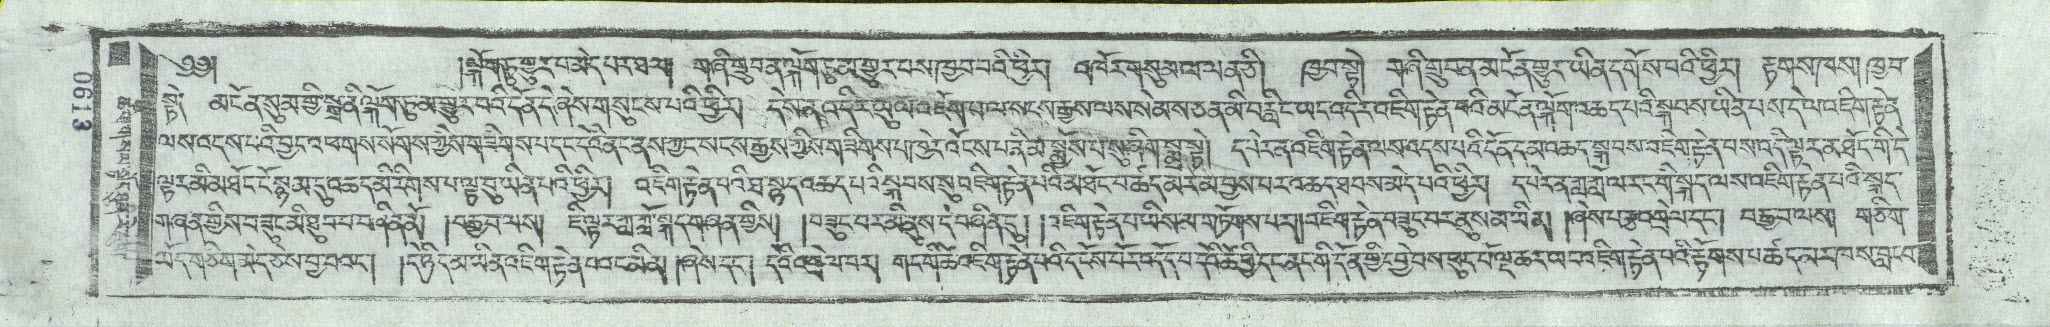༄༅། །ལྐོག་ཏུ་གྱུར་པ་མེད་པར་ཐལ། གཞི་གྲུབ་ན་ལྐོག་ཏུ་མ་གྱུར་པས་ཁྱབ་པའི་ཕྱིར། འཁོར་གསུམ་ལ་ལན་ཅི། ཁྱབ་སྟེ། གཞི་གྲུབ་ན་མངོན་གྱུར་ཡིན་དགོས་པའི་ཕྱིར། རྟགས་ཁས། ཁྱབ་
སྟེ༑ མངོན་སུམ་གྱི་སྒྲ་ནི་ལྐོག་ཏུ་མ་གྱུར་བའི་དོན་དེ་ཞེས་གསུངས་པའི་ཕྱིར། དེས་ན་འདིར་ཡུལ་འཇོག་པ་ལ་སངས་རྒྱས་ལས་སེམས་ཅན་མི་བརླིང་ཡང་འདིར་འཇིག་རྟེན་པའི་མངོན་ལྐོག་འཆད་པའི་སྐབས་ཡིན་པས་དེ་ལ་འཇིག་རྟེན་
ལས་འདས་པའི་བྱང་འཕགས་སོགས་ཀྱིས་གཟིགས་པ་དང་དེའི་ནང་ནས་ཀྱང་སངས་རྒྱས་ཀྱིས་གཟིགས་པ་ཁྱེར་འོངས་པ་ནི་མ་སྨྱོས་པ་སུ་ཞིག་སྨྲ་སྟེ། དཔེར་ན་འཇིག་རྟེན་ལས་འདས་པའི་དོན་དམ་འཆད་སྐབས་འཇིག་རྟེན་པས་འདི་ལྟར་མཐོང་གི་དེ་
ལྟར་མི་མཐོང་ངོ་སྙམ་དུ་འཆད་མི་རིགས་པ་ལྟ་བུ་ཡིན་པའི་ཕྱིར། འཇིག་རྟེན་པའི་ཐ་སྙད་འཆད་པའི་སྐབས་སུ་འཇིག་རྟེན་པའི་མཐོང་བ་ཚད་མར་མ་བྱས་པར་འཆད་ཐབས་མེད་པའི་ཕྱིར། དཔེར་ན་ཀླ་ཀློ་ལ་རང་གི་སྐད་ལས་འཇིག་རྟེན་པའི་སྐད་
གཞན་གྱིས་བཟུང་མི་ཐུབ་པ་བཞིན་ནོ། །བརྒྱ་བ་ལས། ཇི་ལྟར་ཀླ་ཀློ་སྐད་གཞན་གྱིས། །བཟུང་བར་མི་ནུས་དེ་བཞིན་དུ། །འཇིག་རྟེན་པ་ཡིས་མ་གཏོགས་པར། འཇིག་རྟེན་བཟུང་བར་ནུས་མ་ཡིན། །ཞེས་པ་རྩ་འགྲེལ་དང་། བརྒྱ་བ་ལས། གཅིག་
ཡོད་གཅིག་མེད་ཅེས་བྱ་བའང་། །དེ་ཉིད་མ་ཡིན་འཇིག་རྟེན་པའང་མིན། །ཞེས་དང་། དེའི་འགྲེལ་བར། གང་གི་ཚེ་འཇིག་རྟེན་པའི་དངོས་པོར་འདོད་པ་དེའི་ཚེ་ཕྱི་དང་ནང་གི་དོན་གྱི་དབྱེ་བས་ཕུང་པོ་ལྔ་ཆར་ཡང་འཇིག་རྟེན་པའི་རྟོགས་པ་ཚད་མར་ཁས་བླང་བ་